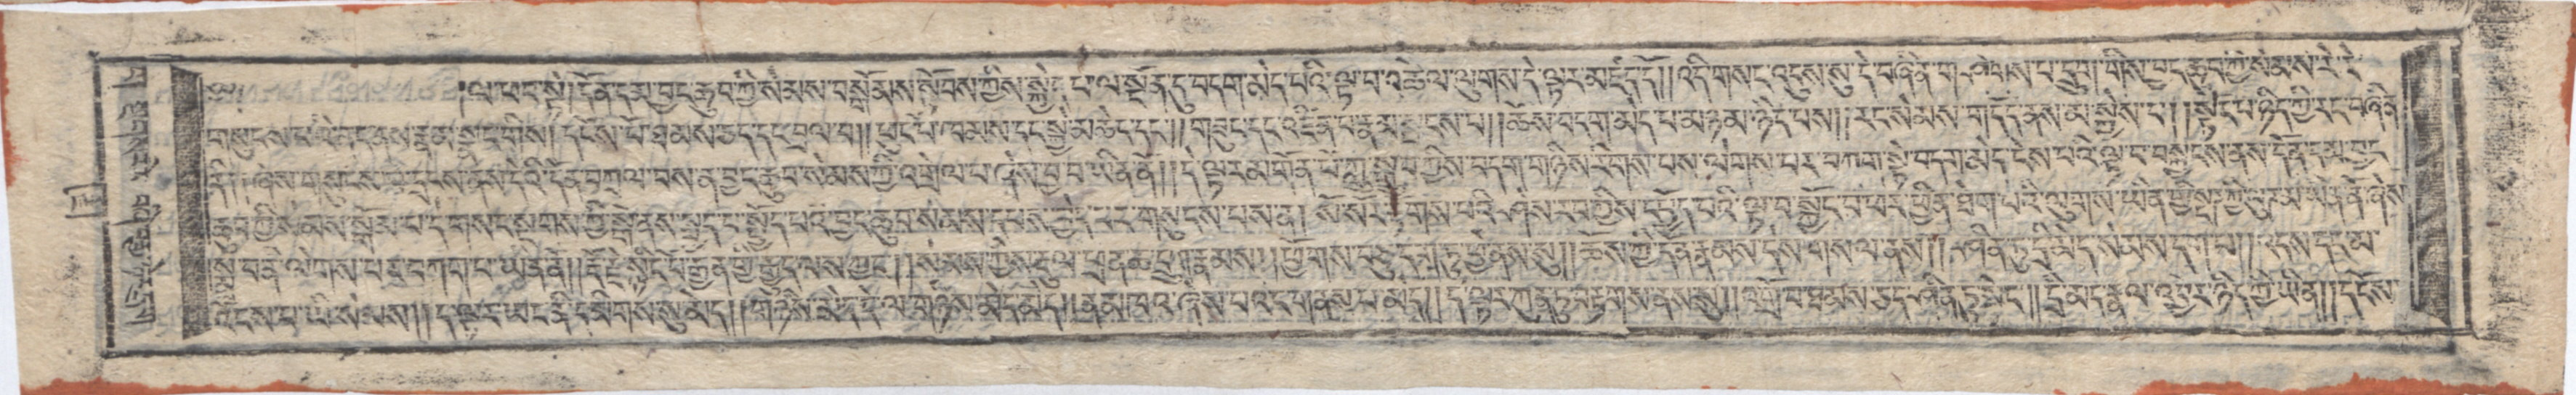༄༅། །ལ་ཕབ་སྟེ། དོན་དམ་བྱང་ཆུབ་ཀྱི་སེམས་བསྒོམས་སྟོབས་ཀྱིས་སྐྱེད་པ་ལ་སྔོན་དུ་བདག་མེད་པའི་ལྟ་བ་འཚོལ་ལུགས་དེ་ལྟར་མཛད་དོ། །འདི་གསང་འདུས་སུ་དེ་བཞིན་གཤེགས་པ་དྲུག་གིས་བྱང་ཆུབ་ཀྱི་སེམས་རེ་རེ་
གསུངས་པའི་ནང་ནས་རྣམ་སྣང་གིས། དངོས་པོ་ཐམས་ཅད་དང་བྲལ་བ། །ཕུང་པོ་ཁམས་དང་སྐྱེ་མཆེད་དང་། །གཟུང་དང་འཛིན་པ་རྣམ་སྤངས་པ། །ཆོས་བདག་མེད་པ་མཉམ་ཉིད་པས། །རང་སེམས་གདོད་ནས་མ་སྐྱེས་པ། །སྟོང་པ་ཉིད་ཀྱི་རང་བཞིན་
ནི༑ ༑ཞེས་གསུངས་པ་དྲངས་ནས་དེའི་དོན་བཀྲལ་བས་ན་བྱང་ཆུབ་སེམས་ཀྱི་འགྲེལ་པ་ཞེས་བྱ་བ་ཡིན་ནོ། །དེ་ལྟར་མགོན་པོ་ཀླུ་སྒྲུབ་ཀྱིས་བདག་གཉིས་རིགས་པས་ལེགས་པར་བཀག་སྟེ་བདག་མེད་ངེས་པའི་ལྟ་བ་བསྐྱངས་ནས་དོན་དམ་བྱང་
ཆུབ་ཀྱི་སེམས་སྒོམ་པ་དེ་གསང་སྔགས་ཀྱི་སྒོ་ནས་སྤྱད་པ་སྤྱོད་པའི་བྱང་ཆུབ་སེམས་དཔས་བྱེད་པར་གསུངས་པས་ན། སོ་སོར་རྟོགས་པའི་ཤེས་རབ་ཀྱིས་དཔྱོད་པའི་ལྟ་བ་སྐྱོང་བ་ཕར་ཕྱིན་ཐེག་པའི་ལུགས་ཡིན་གྱི་སྔགས་ཀྱི་ལུགས་མ་ཡིན་ནོ་ཞེས་
སྨྲ་བ་ནི་ལེགས་པར་བཀག་པ་ཡིན་ནོ། །རྡོ་རྗེ་སྙིང་པོ་རྒྱན་གྱི་རྒྱུད་ལས་ཀྱང་། །སེམས་ཀྱིས་རྡུལ་ཕྲན་ཆ་དྲུག་རྣམས། །ཕྱོགས་བཅུ་དག་ཏུ་ཕྱེ་ནས་སུ། །ཆོས་ཀྱི་དོན་རྣམས་དེས་གསལ་ནས། །ཤིན་ཏུ་དྲི་མེད་སེམས་དག་པ། །འདས་དང་མ་
འོངས་པ་ཡི་སེམས། །དེ་ལྟར་ཡང་ནི་དམིགས་སུ་མེད། །གཉིས་མེད་དེ་ལ་གཉིས་མེད་མེད། །ནམ་མཁའ་ཞེས་པའང་གནས་པ་མེད། །དེ་ལྟར་ཀུན་ཏུ་བརྟགས་ནས་སུ། །འགྲོ་བ་ཐམས་ཅད་ཤིན་ཏུ་སྟོང་། །དྲི་མེད་རྣལ་འབྱོར་ཉིད་ཀྱི་ཡིན། །དངོས་